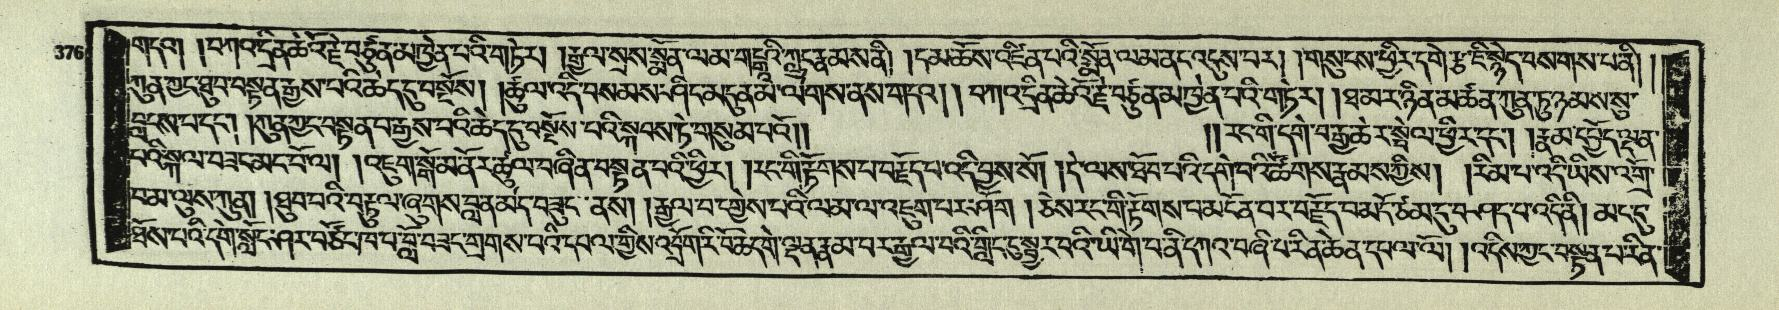གདའ། །བཀའ་དྲིན་ཆེའོ་རྗེ་བཙུན་མཁྱེན་པའི་གཏེར། །རྒྱལ་སྲས་སྨོན་ལམ་གངྒཱའི་ཀླུང་རྣམས་ནི། །དམ་ཆོས་འཛིན་པའི་སྨོན་ལམ་ནང་འདུས་པར། །གསུངས་ཕྱིར་དགེ་རྩ་ཇི་སྙེད་བསགས་པ་ནི། །
ཀུན་ཀྱང་ཐུབ་བསྟན་རྒྱས་པའི་ཆེད་དུ་བསྔོས། །ཚུལ་འདི་བསམས་ཤིང་མདུན་མ་ལེགས་ནས་གདའ། །བཀའ་དྲིན་ཆེའོ་རྗེ་བཙུན་མཁྱེན་པའི་གཏེར། །ཐ་མར་ཉིན་མཚན་ཀུན་ཏུ་ཉམས་སུ་
བླངས་པ་དང་། །ཀུན་ཀྱང་བསྟན་པ་རྒྱས་པའི་ཆེད་དུ་བསྔོས་པའི་སྐབས་ཏེ་གསུམ་པའོ།། །།རང་གི་དགེ་བ་རྒྱ་ཆེར་སྤེལ་ཕྱིར་དང་། །རྣམ་དཔྱོད་ལྡན་
པའི་སྐལ་བཟང་མང་བོ་ལ། །འཇུག་སྒོ་མ་ནོར་ཚུལ་བཞིན་བསྟན་པའི་ཕྱིར། །རང་གི་རྟོགས་པ་བརྗོད་པ་འདི་བྱས་སོ། །དེ་ལས་ཐོབ་པའི་དགེ་བའི་ཚོགས་རྣམས་ཀྱིས། །རིམ་པ་འདི་ཡིས་འགྲོ་
བ་མ་ལུས་ཀུན། །ཐུབ་པའི་བརྟུལ་ཞུགས་བླ་ན་མེད་བཟུང་ནས། །རྒྱལ་བ་དགྱེས་པའི་ལམ་ལ་འཇུག་པར་ཤོག །ཅེས་རང་གི་རྟོགས་པ་མངོན་པར་བརྗོད་པ་མདོ་ཙམ་དུ་བཤད་པ་འདི་ནི། མང་དུ་
ཐོས་པའི་དགེ་སློང་ཤར་བཙོང་ཁ་པ་བློ་བཟང་གྲགས་པའི་དཔལ་གྱིས་འབྲོག་རི་བོ་ཆེ་དགེ་ལྡན་རྣམ་པར་རྒྱལ་བའི་གླིང་དུ་སྦྱར་བའི་ཡི་གེ་པ་ནི་དཀའ་བཞི་པ་རིན་ཆེན་དཔལ་ལོ། །འདིས་ཀྱང་བསྟན་པ་རིན་